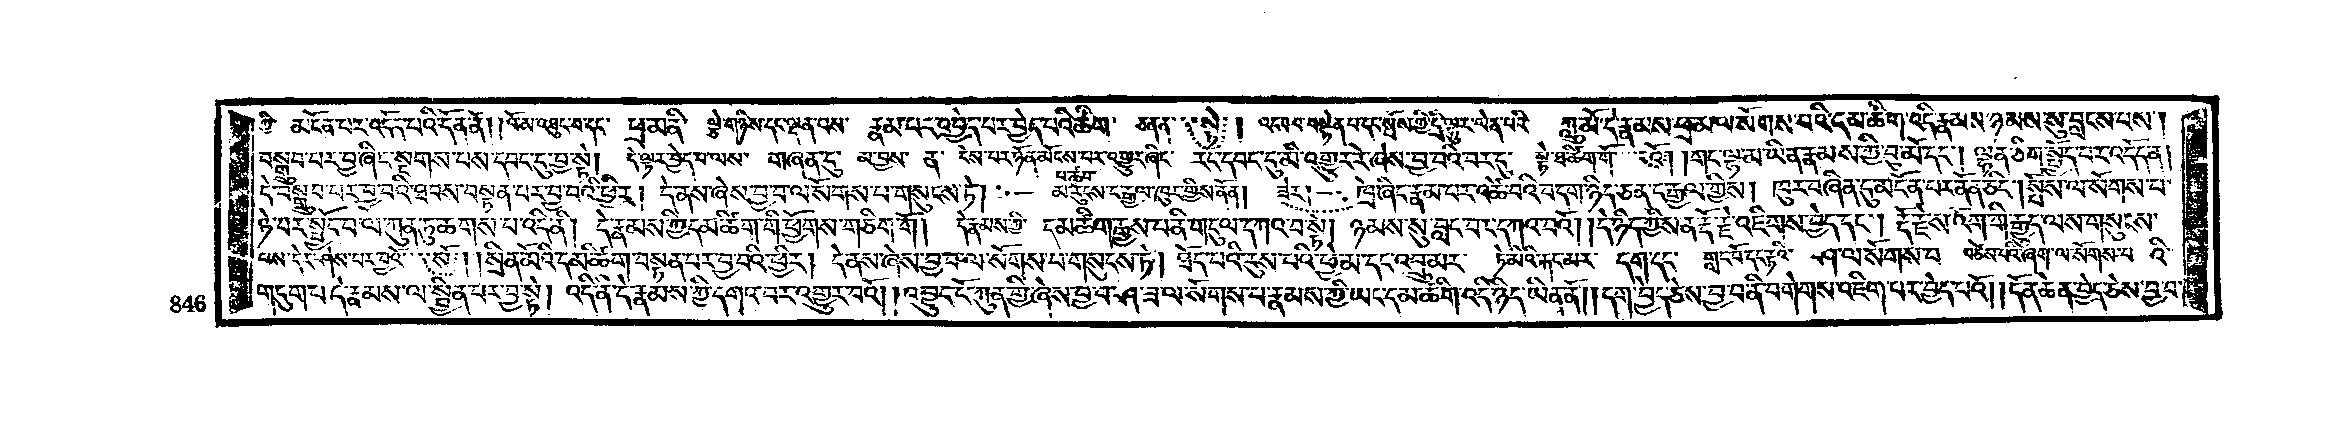ཀྱི་མངོན་པར་འདོད་པའི་དོན་ནོ། །འོ་མ་འཐུང་བ་དང་ཕྲ་མ་ནི་ལྕེ་གཉིས་དང་ལྡན་པས་རྣམ་པར་འབྱེད་པར་བྱེད་པའི་ཚིག་ཅན་ན་སྟེ། འདས་པ་བསྟེན་པ་དང་སྤོས་ཀྱི་དྲི་ལྷུར་ལེན་པའི་ཀླུ་མོ་དེ་རྣམས་ཕྲ་མ་ལ་སོགས་པའི་དམ་ཚིག་འདི་རྣམས་ཉམས་སུ་བླངས་པས།
བསྒྲུབ་པར་བྱ་ཞིང་སྔགས་པས་དབང་དུ་བྱ་སྟེ། དེ་ལྟར་བྱེད་པ་ལས་གཞན་དུ་མ་བྱས་ན་ངེས་པར་ཉོན་མོངས་པར་འགྱུར་ཞིང་རང་དབང་དུ་མི་འགྱུར་རོ་ཞེས་བྱ་བའི་བར་དུ་སྟེ་ཐ་ཚིག་གོའོ།  །གང་ལྷ་མ་ཡིན་རྣམས་ཀྱི་བུ་མོ་དང་། ལྷན་ཅིག་སྤྱོད་པར་འདོད་ན།
དེ་བསྒྲུབ་པར་བྱ་བའི་ཐབས་བསྟན་པར་བྱ་བའི་ཕྱིར། དེ་ནས་ཞེས་བྱ་བ་ལ་སོགས་པ་གསུངས་ཏེ།H.་པ་ཚབ྄་མ་རུངས་ང་རྒྱལ་ཁུར་གྱིས་ནོན། ཟེར། .H ཁྲོ་ཞིང་རྣམ་པར་འཚེ་བའི་བདག་ཉིད་ཅན་ང་རྒྱལ་གྱིས། ཁུར་བཞིན་དུ་མངོན་པར་ནོན་ཅིང་། སྤོས་ལ་སོགས་པ་
ཉེ་བར་སྤྱོད་པ་ལ་ཀུན་ཏུ་ཆགས་པ་འདི་ནི། དེ་རྣམས་ཀྱི་དམ་ཚིག་གི་ཕྱོགས་གཅིག་གོ ། དེ་རྣམས་ཀྱི་དམ་ཚིག་རྒྱས་པ་ནི་གདུལ་དཀའ་བ་སྟེ། ཉམས་སུ་བླང་བར་དཀའ་བའོ། །དེ་ཉིད་ཀྱིས་ན་རྡོ་རྗེ་འཇིགས་བྱེད་དང་། རྡོ་རྗེ་ས་འོག་གི་རྒྱུད་ལས་གསུངས་
པས་དེར་ཤེས་པར་བྱའོ་སོ། །སྲིན་མོའི་དམ་ཚིག་བསྟན་པར་བྱ་བའི་ཕྱིར། དེ་ནས་ཞེས་བྱ་བ་ལ་སོགས་པ་གསུངས་ཏེ། ཐོད་པའི་རུས་པའི་ཕྱེ་མ་དང་འབྲུ་མར་ཏེ་མིའི་རྐང་མར་དག་དང་གླང་པོ་དང་རྟའི་ཤ་ལ་སོགས་པ་བཙེས་པའི་ཞག་ལ་སོགས་པའི
གདུག་པ་དེ་རྣམས་ལ་སྦྱིན་པར་བྱ་སྟེ། འདི་ནི་དེ་རྣམས་ཀྱི་དགའ་བར་འགྱུར་བའོ། །འབྱུང་པོ་ཀུན་གྱི་ཞེས་བྱ་བ་ཤ་ཟ་ལ་སོགས་པ་རྣམས་ཀྱི་ཡང་དམ་ཚིག་འདི་ཉིད་ཡིན་ནོ། །དག་བྱེད་ཅེས་བྱ་བ་ནི་བགེགས་འཇིག་པར་བྱེད་པའོ། །དོན་ཆེན་བྱེད་ཅེས་བྱ་བ་